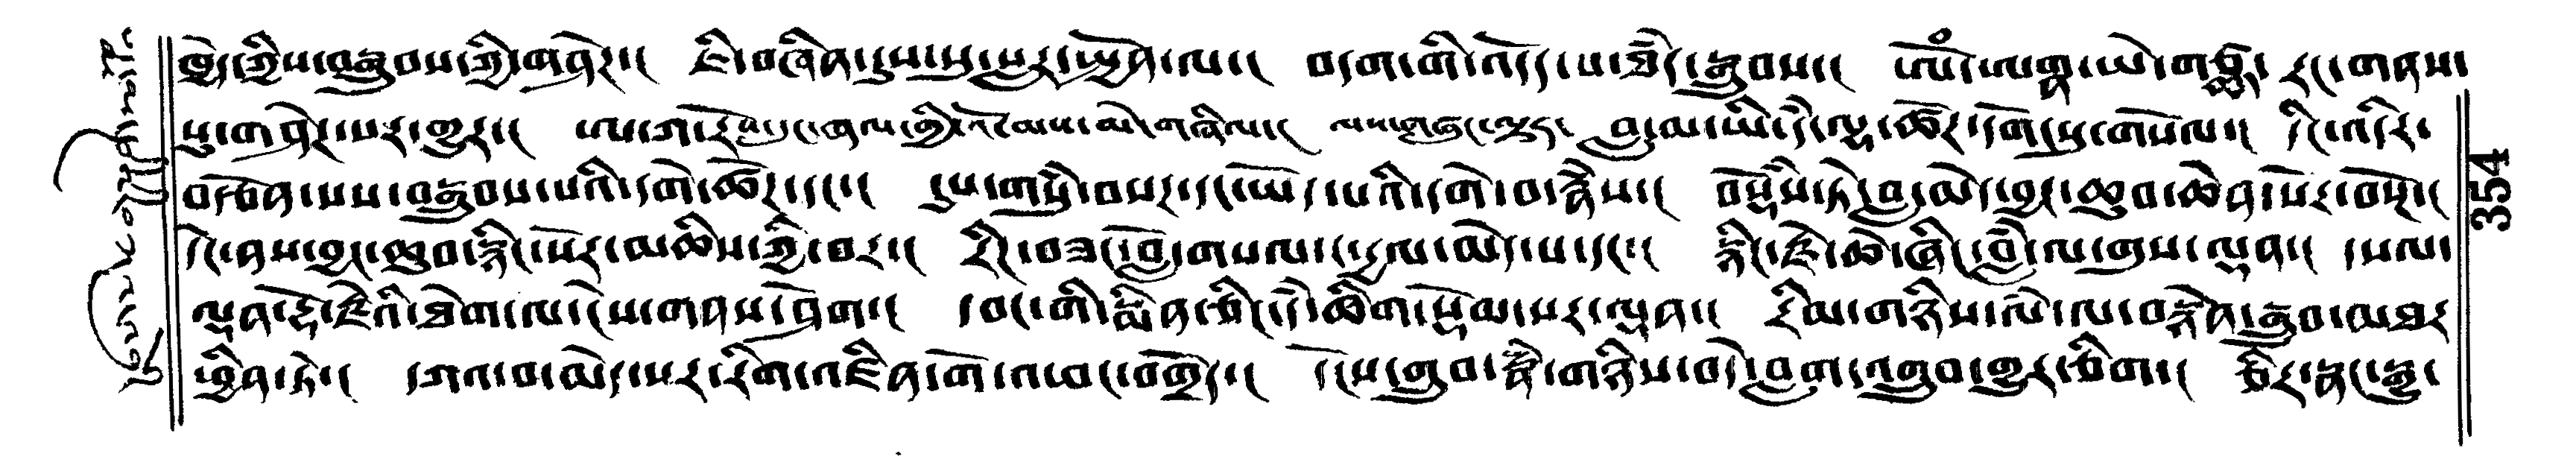ཁྱོད་ཀྱིས་བསྒྲུབས་ཀྱི་གཤེགས། །ཇི་བཞིན་དུས་སུ་སླར་སྤྱོན་ལ། །བདག་གི་འདོད་པ་ཐམས་ཅད་སྒྲུབས། ཨོཾ་ཨགྣ་ཡེ་གཙྪ། རང་གནས་
སུ་གཤེགས་པར་གྱུར། ཨ་ཀ་རོ ས་དུང་ཞལ་གྱི་འོ་མས་མེ་གཞིལ། ལས་གཞུང་ལྟར། བླ་མ་ཡི་དམ་ལྷ་ཚོགས་དགོངས་སུ་གསོལ། དེང་འདིར་
བརྩོན་པས་བསྒྲུབས་པའི་དགེ་ཚོགས་དང་། །དུས་གསུམ་བསགས་དང་ཡོད་པའི་དགེ་བ་རྣམས། །བསྡོམས་ཏེ་བླ་མེད་བྱང་ཆུབ་ཆེན་པོར་བསྔོ། །
དེང་ནས་བྱང་ཆུབ་སྙིང་པོར་མཆིས་ཀྱི་བར། །རིགས་བཟང་བློ་གསལ་ང་རྒྱལ་མེད་པ་དང་། །སྙིང་རྗེ་ཆེ་ཞིང་བླ་མ་གུས་ལྡན། །དཔལ་
ལྡན་རྡོ་རྗེའི་ཐེག་ལ་ངེས་གནས་ཤོག །དབང་གིས་སྨིན་ཅིང་དམ་ཚིག་སྡོམ་པར་ལྡན། །རིམ་གཉིས་ལམ་ལ་བསྙེན་སྒྲུབ་མཐར་
ཕྱིན་ཏེ། །དཀའ་བ་མེད་པར་རིག་འཛིན་གོ་འཕང་བགྲོད། །དངོས་གྲུབ་རྣམ་གཉིས་བདེ་བླག་འགྲུབ་གྱུར་ཅིག།ཅིར་སྣང་སྒྱུ་